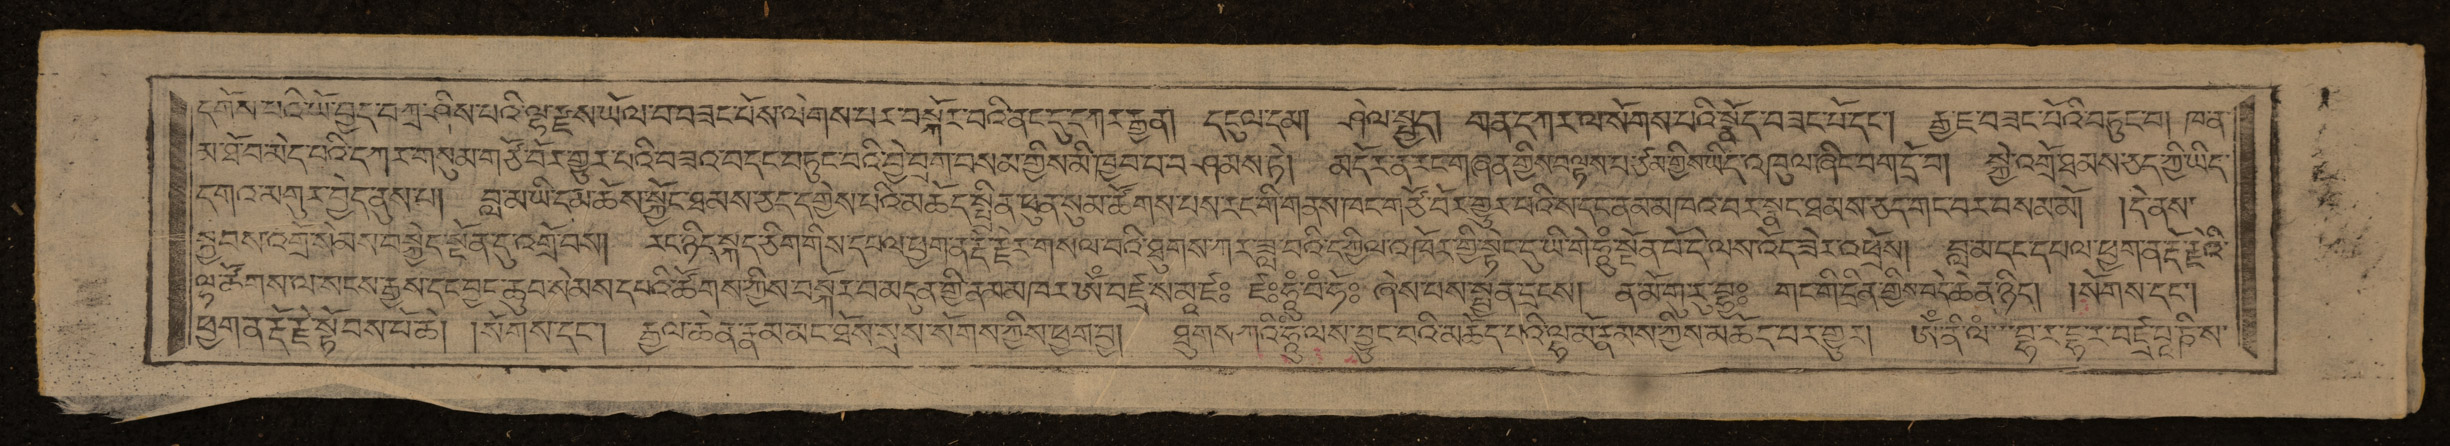དགོས་པའི་ཡོ་བྱད་བཀྲ་ཤིས་པའི་ལྷ་རྫས་ཡོལ་བ་བཟང་པོས་ལེགས་པར་བསྐོར་བའི་ནང་དུ་དཀར་རྒྱན། དངུལ་དམ། ཤེལ་སྤྱད། གན་དཀར་ལ་སོགས་པའི་སྣོད་བཟང་པོ་དང་། རྒྱ་ཇ་བཟང་པོའི་བཏུང་བ། ཁ་ན་
མ་ཐོ་བ་མེད་པའི་དཀར་གསུམ་གཙོ་བོར་གྱུར་པའི་བཟའ་བ་དང་བཏུང་བའི་བྱེ་བྲག་བསམ་གྱིས་མི་ཁྱབ་པ་བཤམས་ཏེ། མདོར་ན་རང་གཞན་གྱིས་བལྟས་པ་ཙམ་གྱིས་ཡིད་འཁུལ་ཞིང་བག་དྲོ་བ། སྐྱེ་འགྲོ་ཐམས་ཅད་ཀྱི་ཡིད་
དགའ་མགུར་བྱད་ནུས་པ། བླ་མ་ཡི་དམ་ཆོས་སྐྱོང་ཐམས་ཅད་དགྱེས་པའི་མཆོད་སྤྲིན་ཕུན་སུམ་ཚོགས་པས་རང་གི་གནས་ཁང་གཙོ་བོར་གྱུར་པའི་ས་དང་ནམ་མཁའ་བར་སྣང་ཐམས་ཅད་གང་བར་བསམ་མོ། །དེ་ནས་
སྐྱབས་འགྲོ་སེམས་བསྐྱེད་སྔོན་དུ་འགྲོ་བས། རང་ཉིད་སྐད་ཅིག་གིས་དཔལ་ཕྱག་ན་རྡོ་རྗེར་གསལ་བའི་ཐུགས་ཀར་ཟླ་བའི་དཀྱིལ་འཁོར་གྱི་སྟེང་དུ་ཡི་གེ་ཧཱུཾ་སྔོན་པོ་དེ་ལས་འོད་ཟེར་འཕྲོས། བླ་མ་དང་དཔལ་ཕྱག་ན་རྡོ་རྗེའི་
ལྷ་ཚོགས་ལ་སངས་རྒྱས་དང་བྱང་ཆུབ་སེམས་དཔའི་ཚོགས་ཀྱིས་བསྐོར་བ་མདུན་གྱི་ནམ་མཁར་ཨོཾ་བཛྲ་ས་མཱ་ཛཿ ཛཿཧཱུཾ་བཾ་ཧོཿ ཞེས་པས་སྤྱན་དྲངས། ན་མོ་གུ་རུ་བྷྱཿ གང་གི་དྲིན་གྱིས་བདེ་ཆེན་ཉིད། །སོགས་དང་།
ཕྱག་ན་རྡོ་རྗེ་སྟོབས་པོ་ཆེ། །སོགས་དང་། རྒྱལ་ཆེན་རྣམ་མང་ཐོས་སྲས་སོགས་ཀྱིས་ཕྱག་བྱ། ཐུགས་ཀའི་ཧཱུཾ་ལས་བྱུང་བའི་མཆོད་པའི་ལྷ་མོ་རྣམས་ཀྱིས་མཆོད་པར་གྱུར། ཨོཾ་ནི་ལཾ་བྷ་ར་དྷ་ར་བཛྲ་པཱ་ཎི་ས་